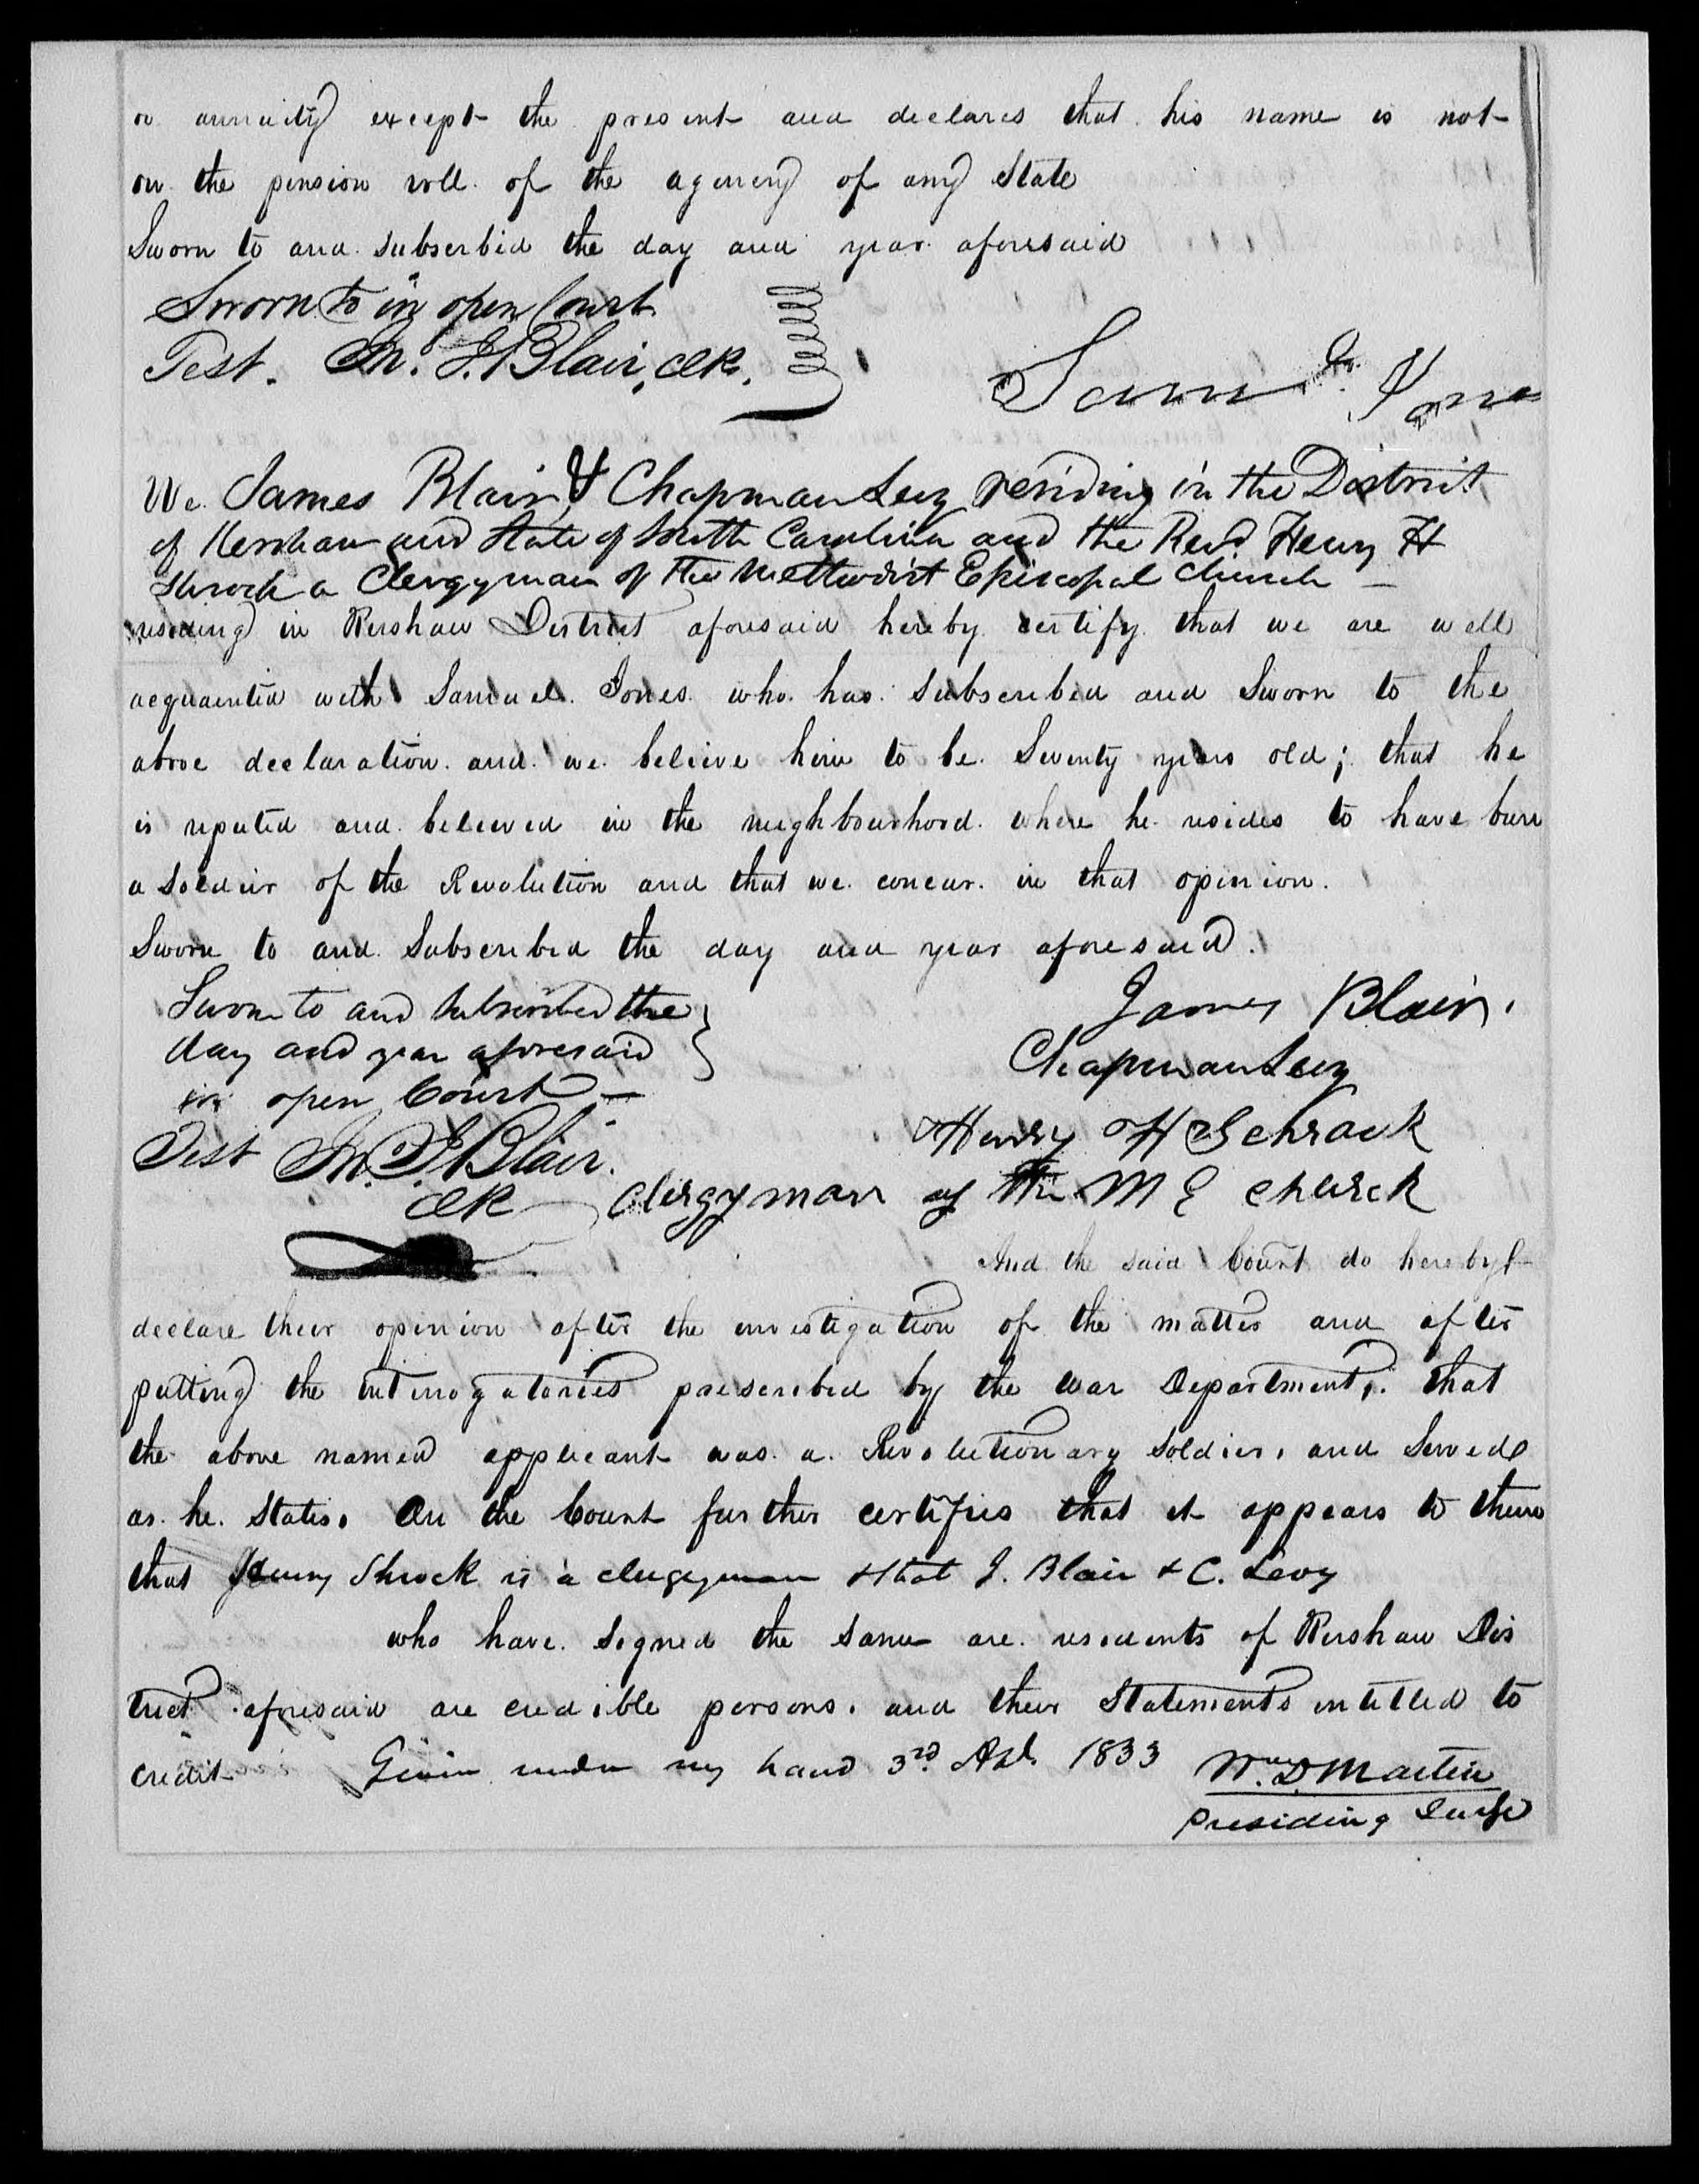or annuity except the present and declares that his name is not on the pension roll of the agency of any State Sworn to and subscribed the day and year aforesaid Sworn to in open Court 
Test. J. Blair Clk
Saml Jones
We James Blair & Chapman Levy residing in the District of Kershaw and State of South Carolina and the Revd Henry H Shock a Clergyman of the Methodist Episcopal Church residing in Kershaw District aforesaid hereby certify that we are well of acquainted with Samuel Jones who has subscribed and sworn to the above declaration and we believe him to be Seventy years old; that he is reputed and believed in the neighbourhood where he resides to have been a soldier of the Revolution and that we concur in that opinion. Sworn to and subscribed the day and year aforesaid Sworn to and subscribed the of day and year aforesaid in open court
J Blair Clk
James Blain
Chapman Levy
Henry Schrock Clergyman of the M E Church And the said Court do hereby declare their opinion after the investigation of the matter and after putting the interogatories prescribed by the war department that the above named applicant was a Revolutionary soldier and served as he states. On the Court further certifies that it appears to them that Henry Shrock is a clergyman & that J Blair & C. Levy who have signed the same are residents of Kershaw Dis the aforesaid are credible persons, and their statements entitled to credit Given under my hand 3rd April 1833 
W.D. Martin 
presiding [illegible]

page: 5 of 28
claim: survivor's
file: S. 21844, for Samuel Jones, South Carolina